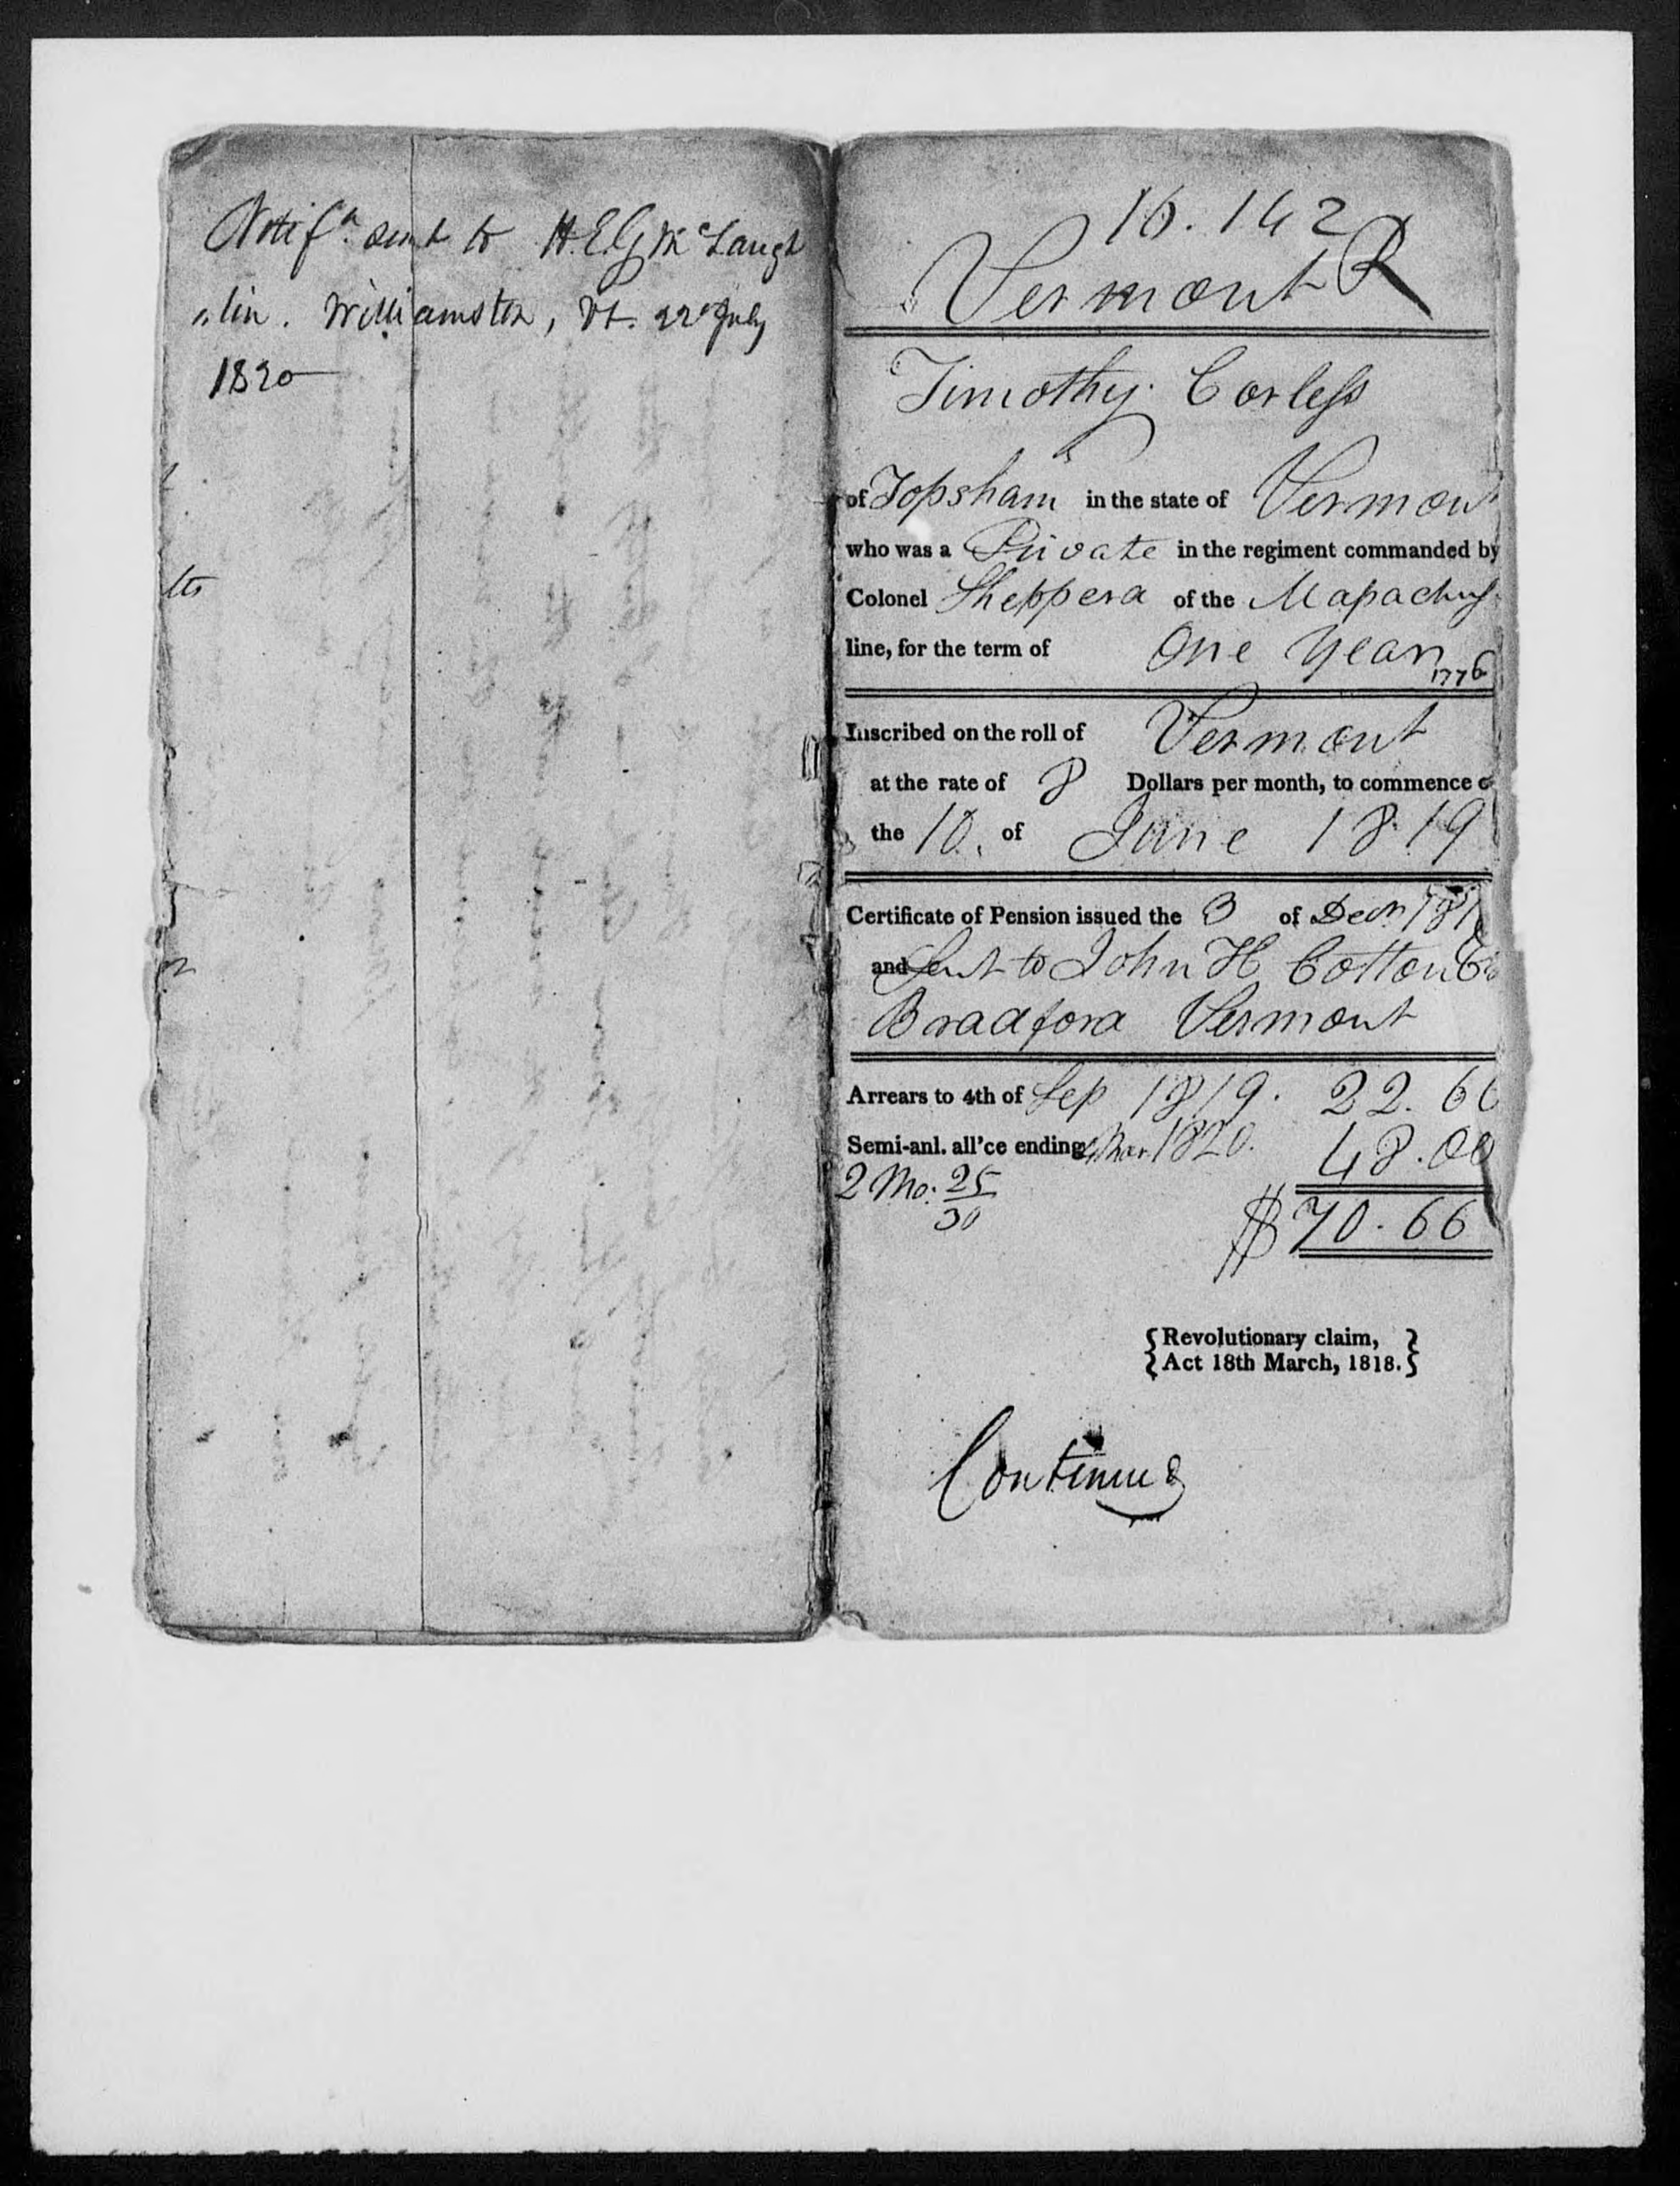Notification sent to H.Elizabeth McLaughlin. Williamson, Vt.[Vermont] 22nd July 1820 10.162 [This page was a typed form that allowed  someone to fill in empty spaces left blank.] Vermont R Timothy Corliss of Topsham in the state of Vermont who was a Private in the regiment commanded by Colonel Sheppard of the Massachusetts line, for the term of One Year 1776. Inscribed on the roll of Vermont at the rate of 8 Dollars per month, to commence on the 10th of June 1819. Certificate of Pension issued the 3 of December 181[illegible] and Sent to John H Cotton [illegible] Bradford Vermont. 
Arrears to 4th of September 1819. 22.60 
Semi annual allowance ending March 1820  48.00 
2Months. 25/30  $70.66 [parentheses]Revolutionary claim, Act 18th March 1818.  Continued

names: John H Cotton, Shepperd, H E G Mc Laughlin, Timothy Corless, Williamston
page: 2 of 34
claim: widow's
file: W. 20,896, Timothy Corless, Continental Mass